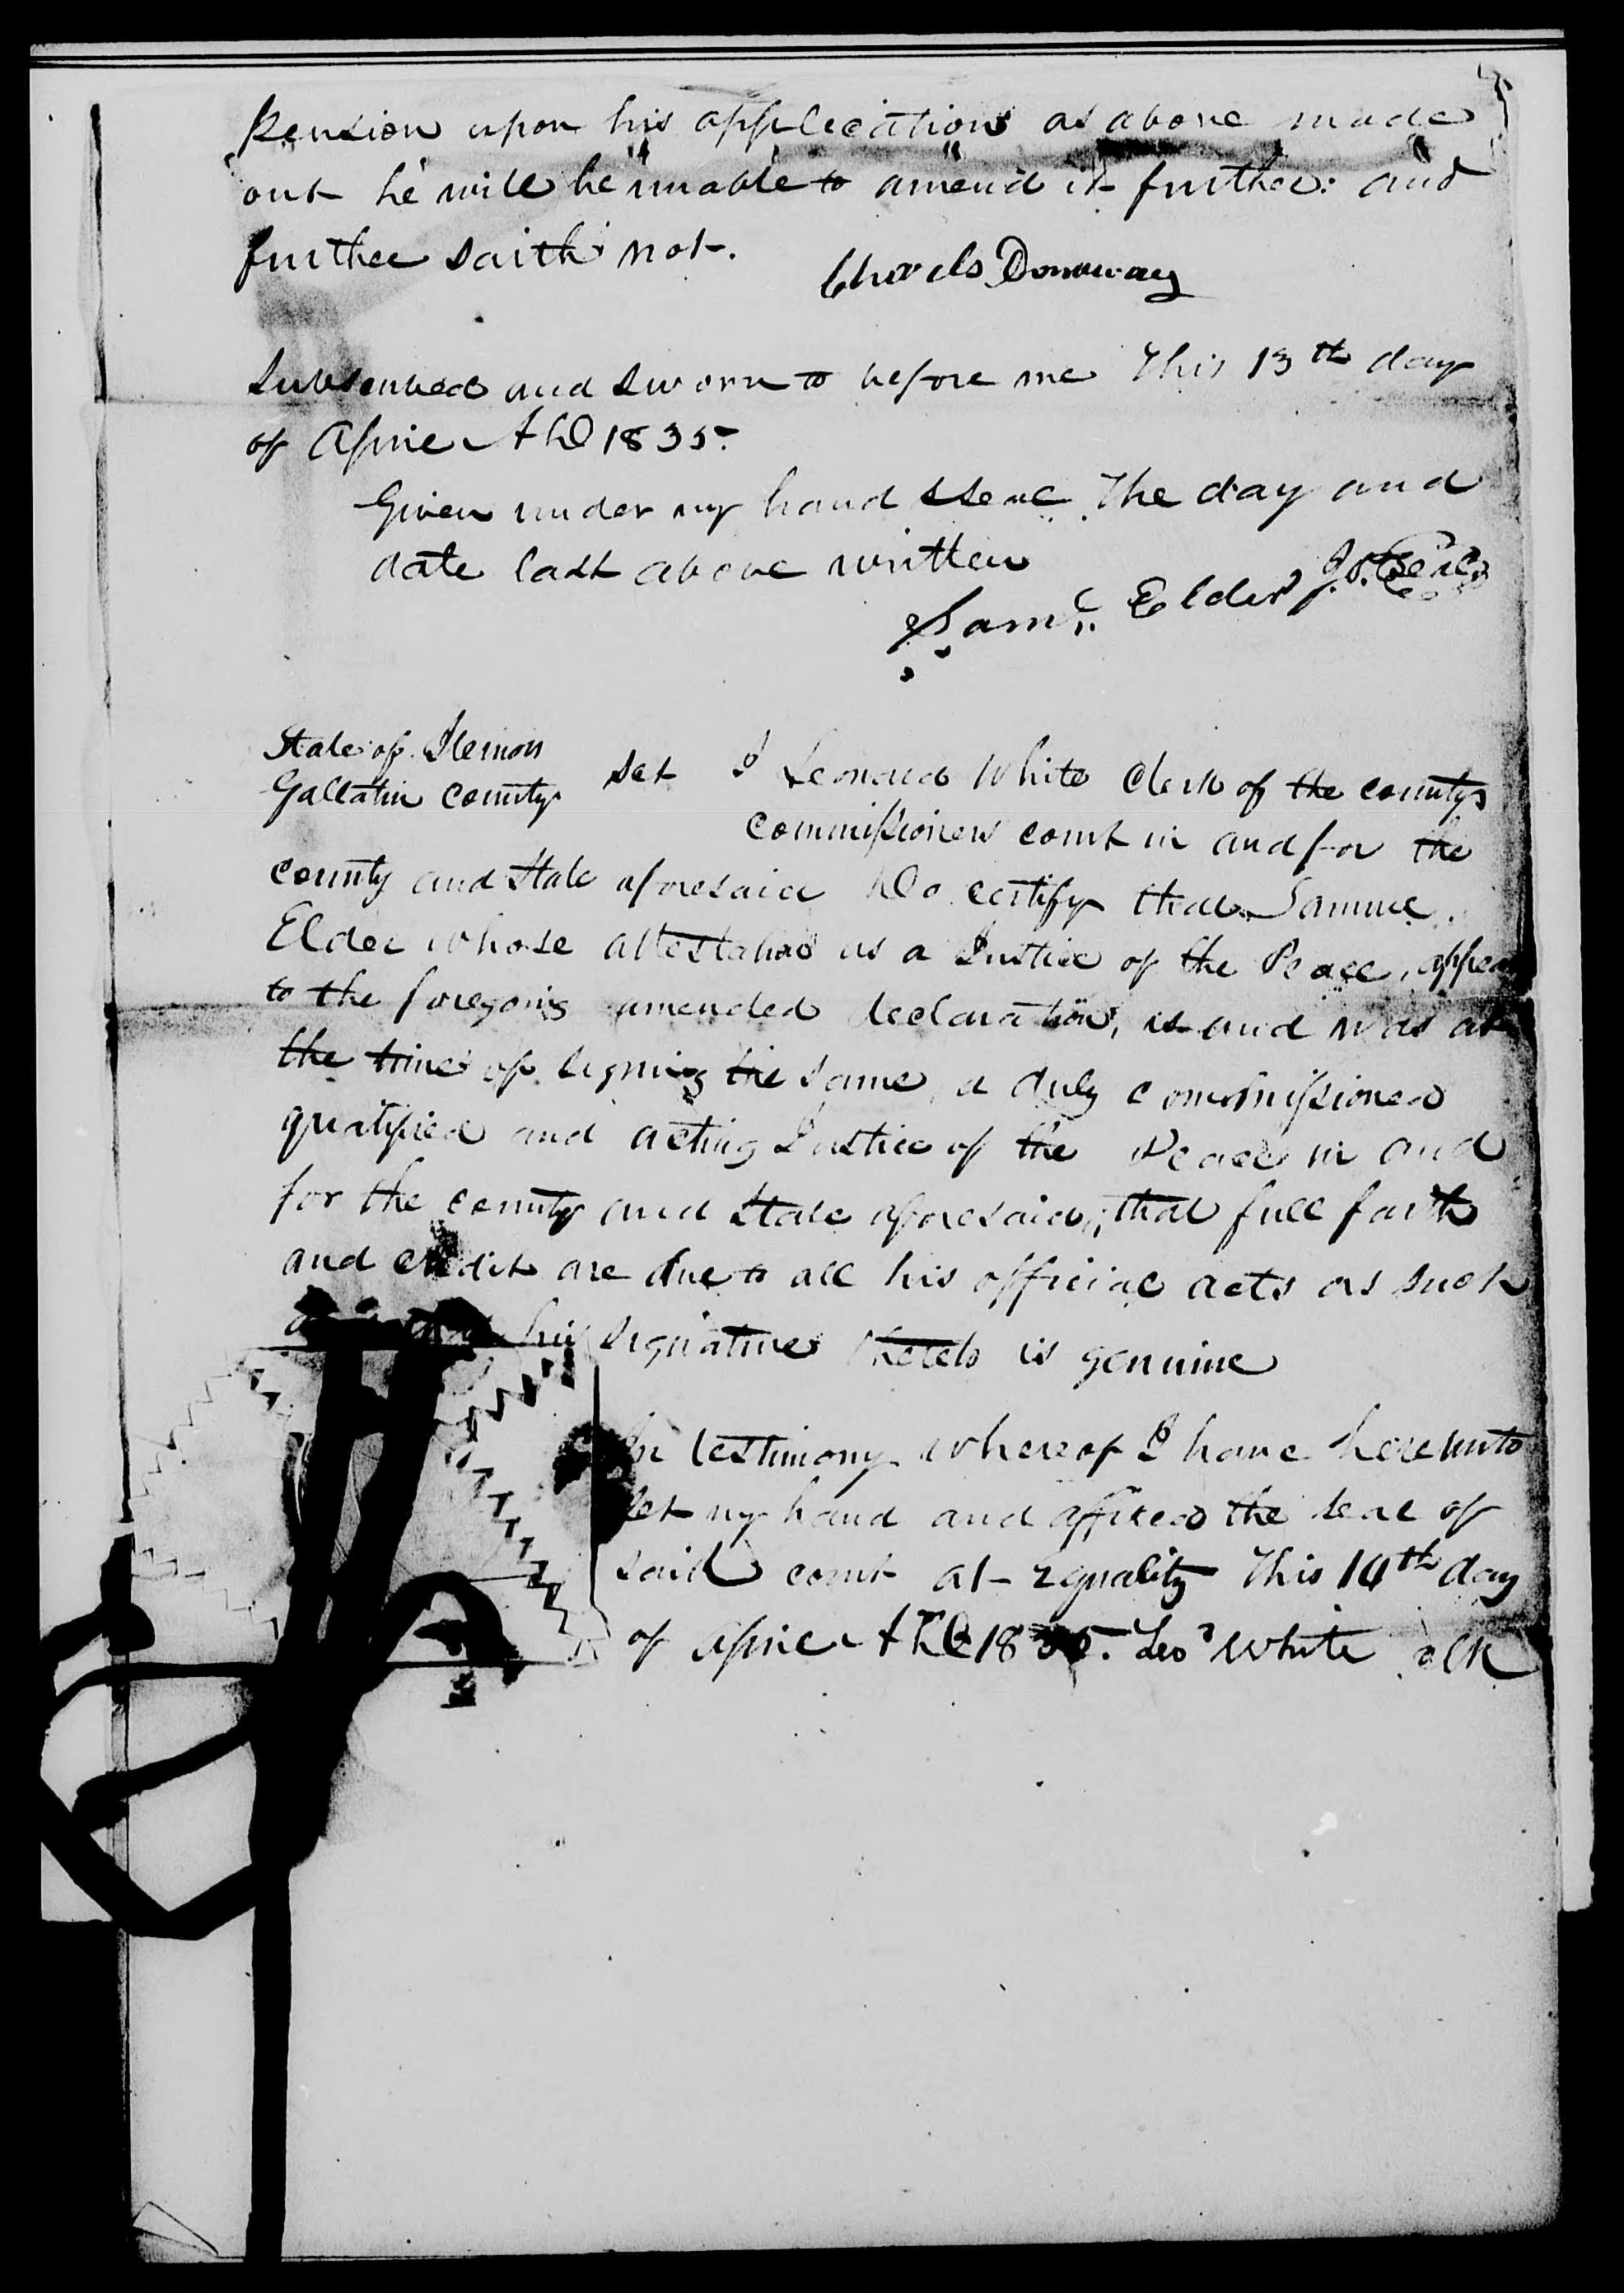Pension upon his applications as above made out he will be unable to amend it further: and further saith not.
Charles Donaway
Subscribed and Sworn to before me this 13th day of April AD 1835.
Given under my hand & seal The day and date last above written
Saml. Elder J.P. seal

State of Illinois
Gallatin County Sct. I Leonard White Clerk of the county commissioners court in and for the county and state aforesaid Do certify that Samuel Elder whose attestation as a Justice of the Peace appears to the foregoing amended declaration, is and was at the time of signing the same a duly commissioned qualified and acting Justice of the Peace in and for the county and state aforesaid, that full faith and credit are due to all his official acts as such and that his signature thereto is genuine
In testimony whereof I have hereunto set my hand and affixed the seal of said court at Equality this 14th day of April AD 1835. Leod White clk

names: Saml Elder, Samuel Elder, Leod White, Charls Donoway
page: 28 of 29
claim: rejected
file: R. 3010, Charles Donaway, Va.